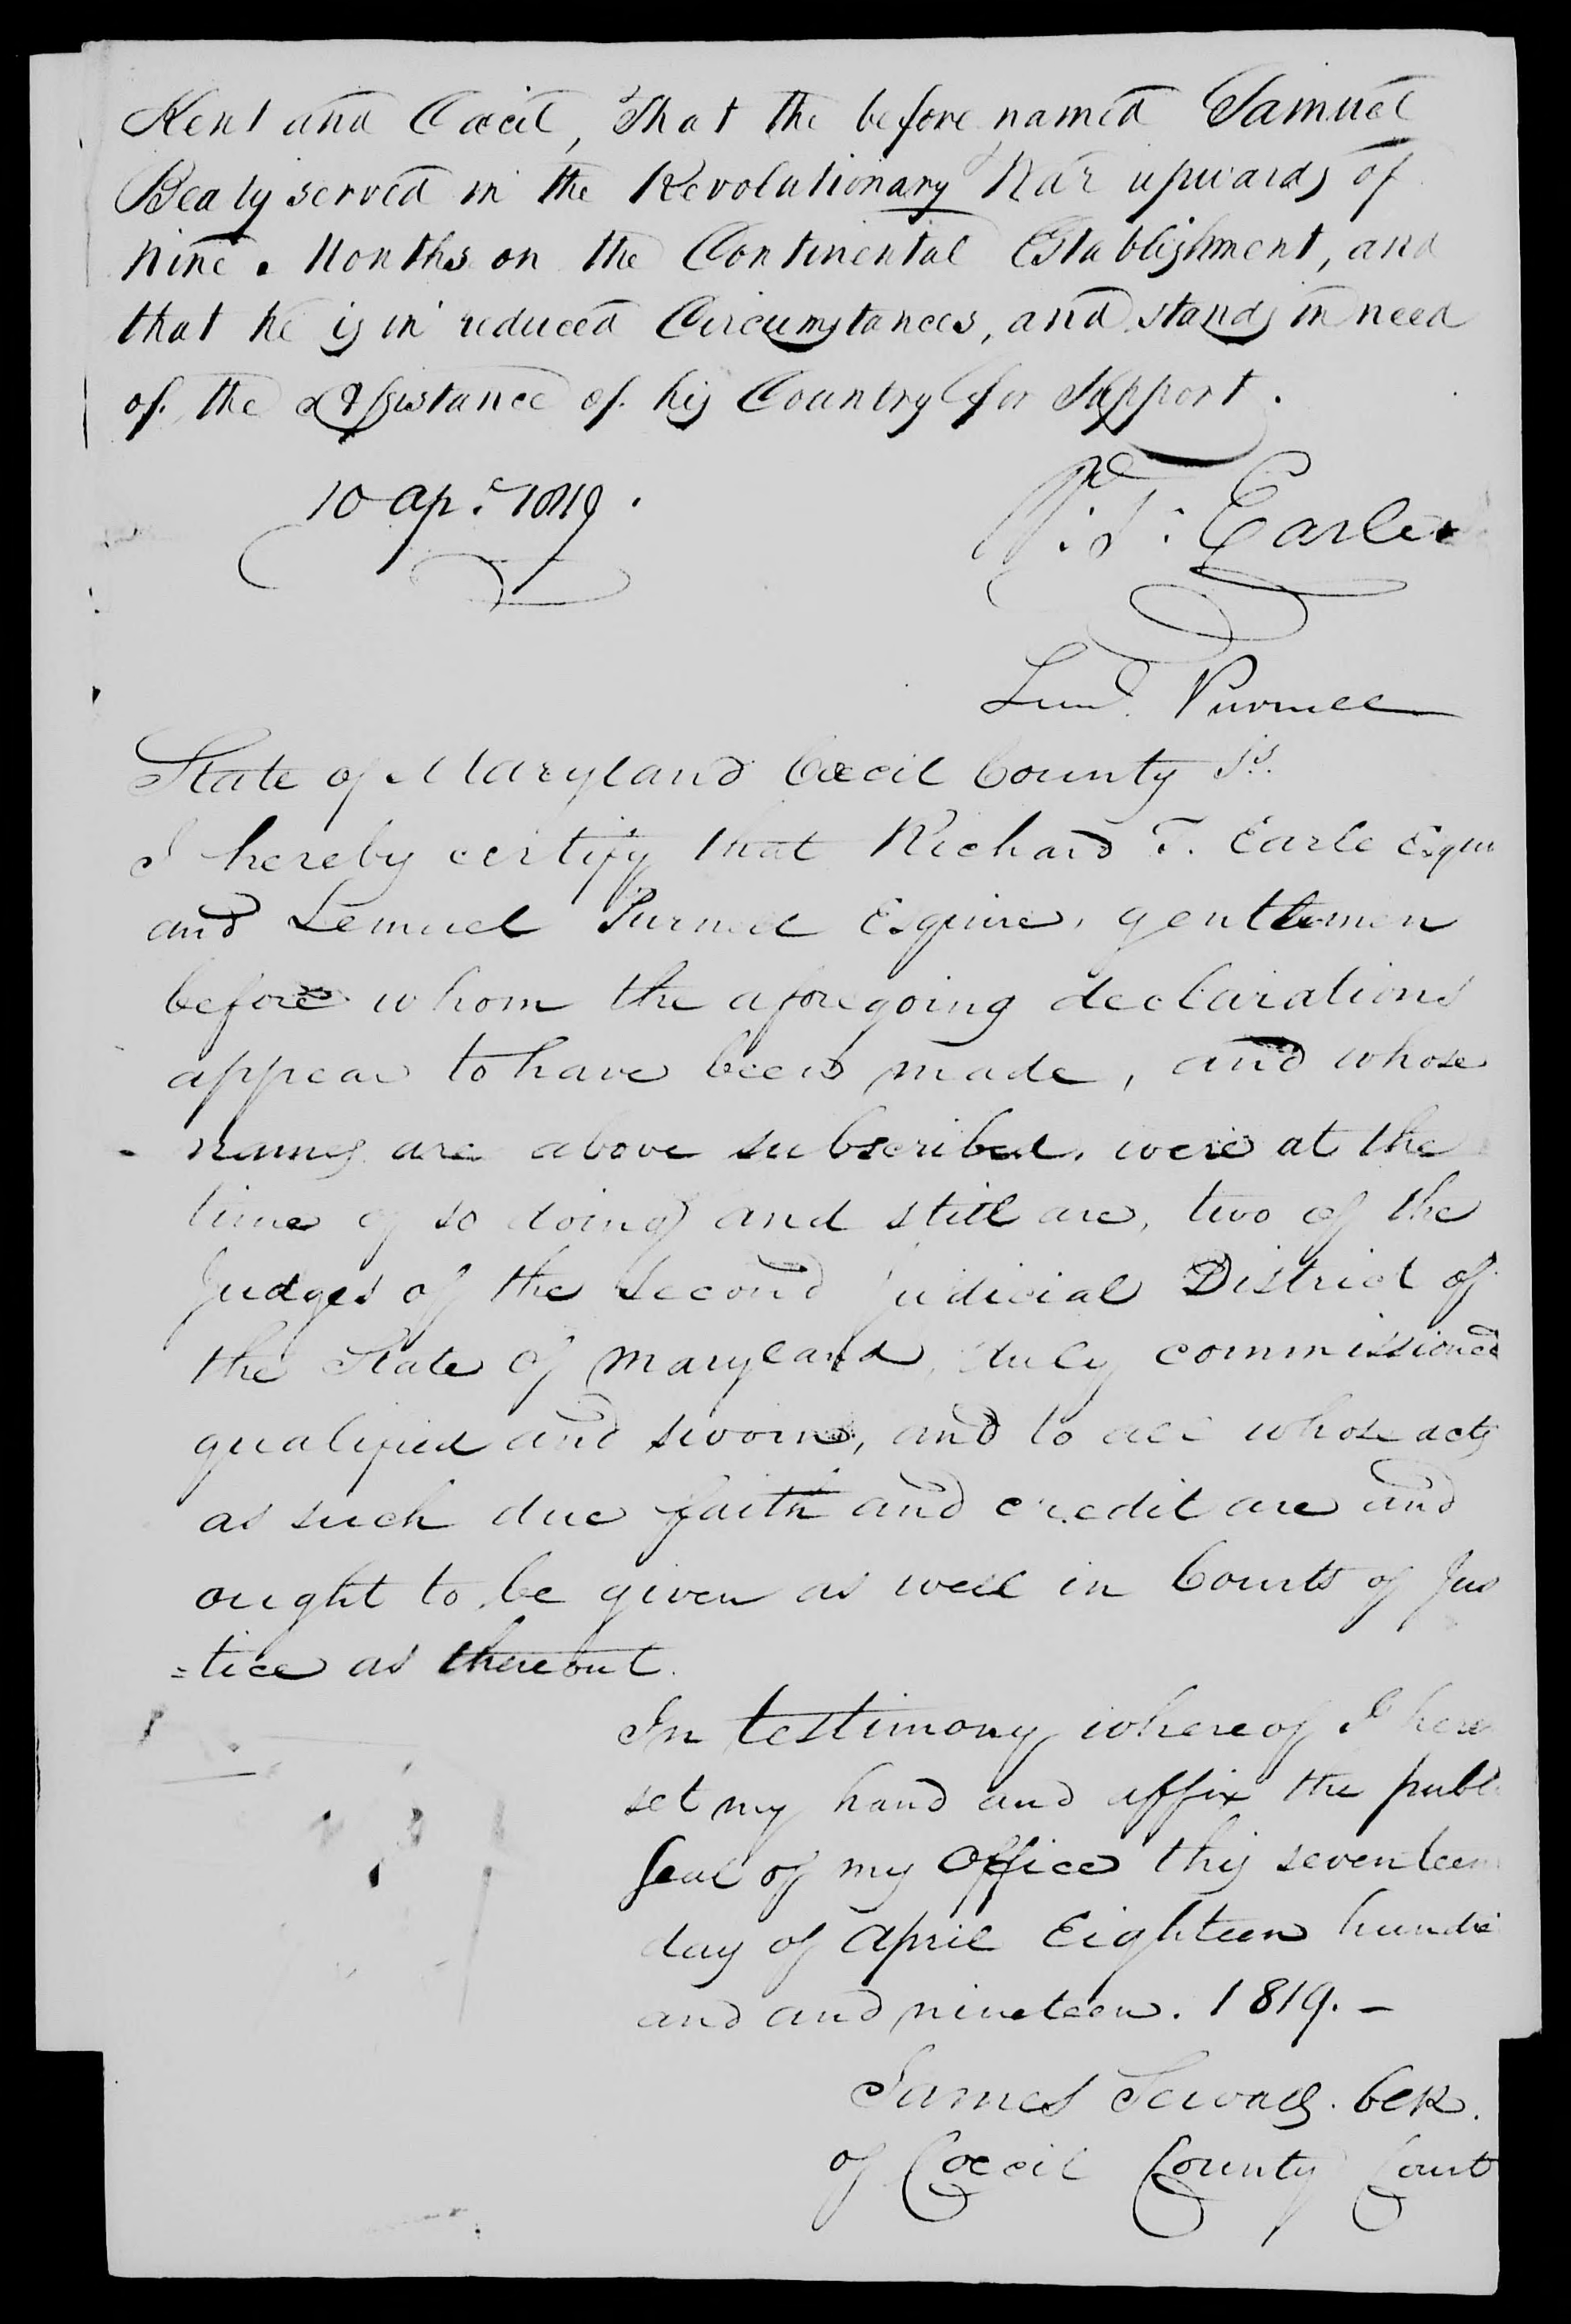Kent and Cecil, that the before named Samuel Beaty served in the Revolutionary War upwards of nine months on the Continental Establishment, and that he is in reduced circumstances, and stands in need of the assistance of his country for support.
Signed:  Rich. Earle, Lemuel Purnell

State of Maryland, Cecil County 

I hereby certify that Richard T. Earle Esq. and Lemuel Purnell Esq., gentlemen before whom the foregoing declaration appears to have been made, and whose names are above subscribed, were at the time of so doing and still are two of the judges of the second judicial district of the State of Maryland, duly commissioned and qualified and sworn and to all whose acts as such due faith and credit are and ought to be given as well in courts of justice as thereabout.

Om testimony whereof I have set my hand and affix the seal of my office this seventeenth day of April eighteen hundred and nineteen 1819.
Signed:  Samual {illegible}, clerk of Cecil County Court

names: Lemuel Purnell, Rd T Earle, Richard T Earle, James Sewall, Samuel Beaty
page: 5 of 31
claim: survivor's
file: S. 34646, Samuel Beaty, Penn.